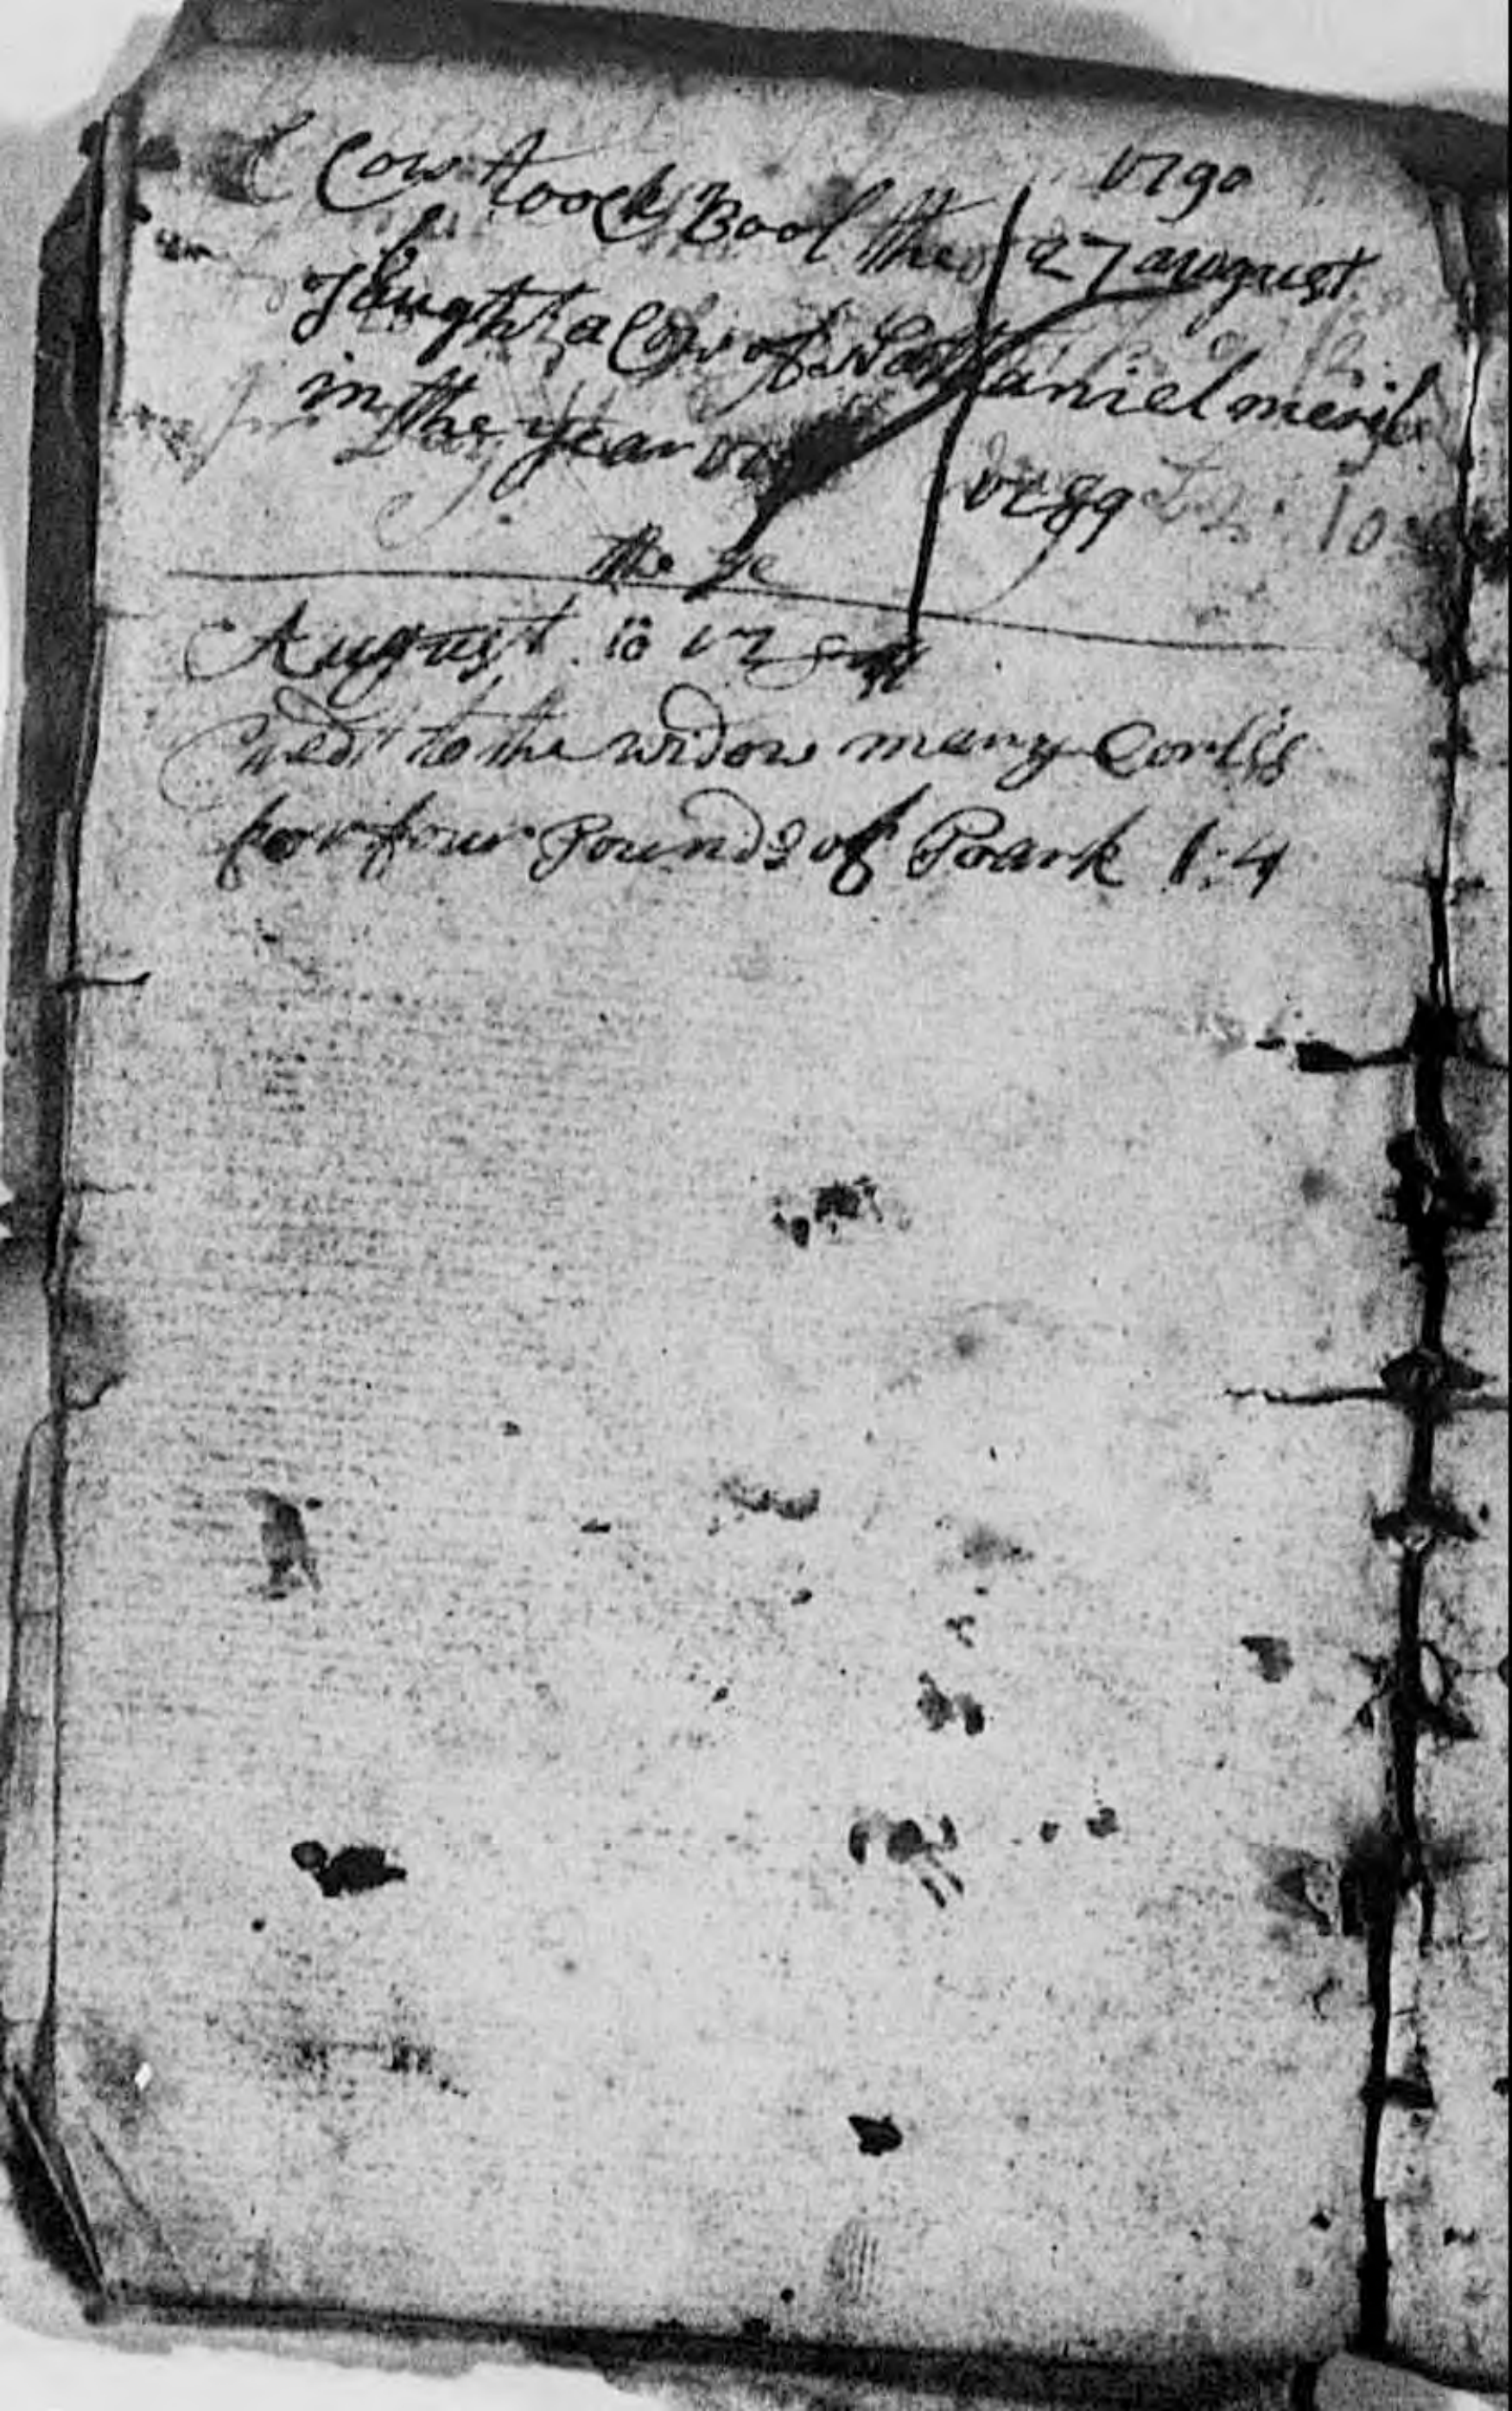1790

Cow took a bull the 27 of August. Thought a cow of Nathaniel (Mesil?) in the year of 1789.

August 10, (1789?)
Carried to the widow Mary Corlis for four pounds of pork (1:4?).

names: Nathaniel, Mary Corlis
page: 16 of 34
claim: widow's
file: W. 20,896, Timothy Corless, Continental Mass